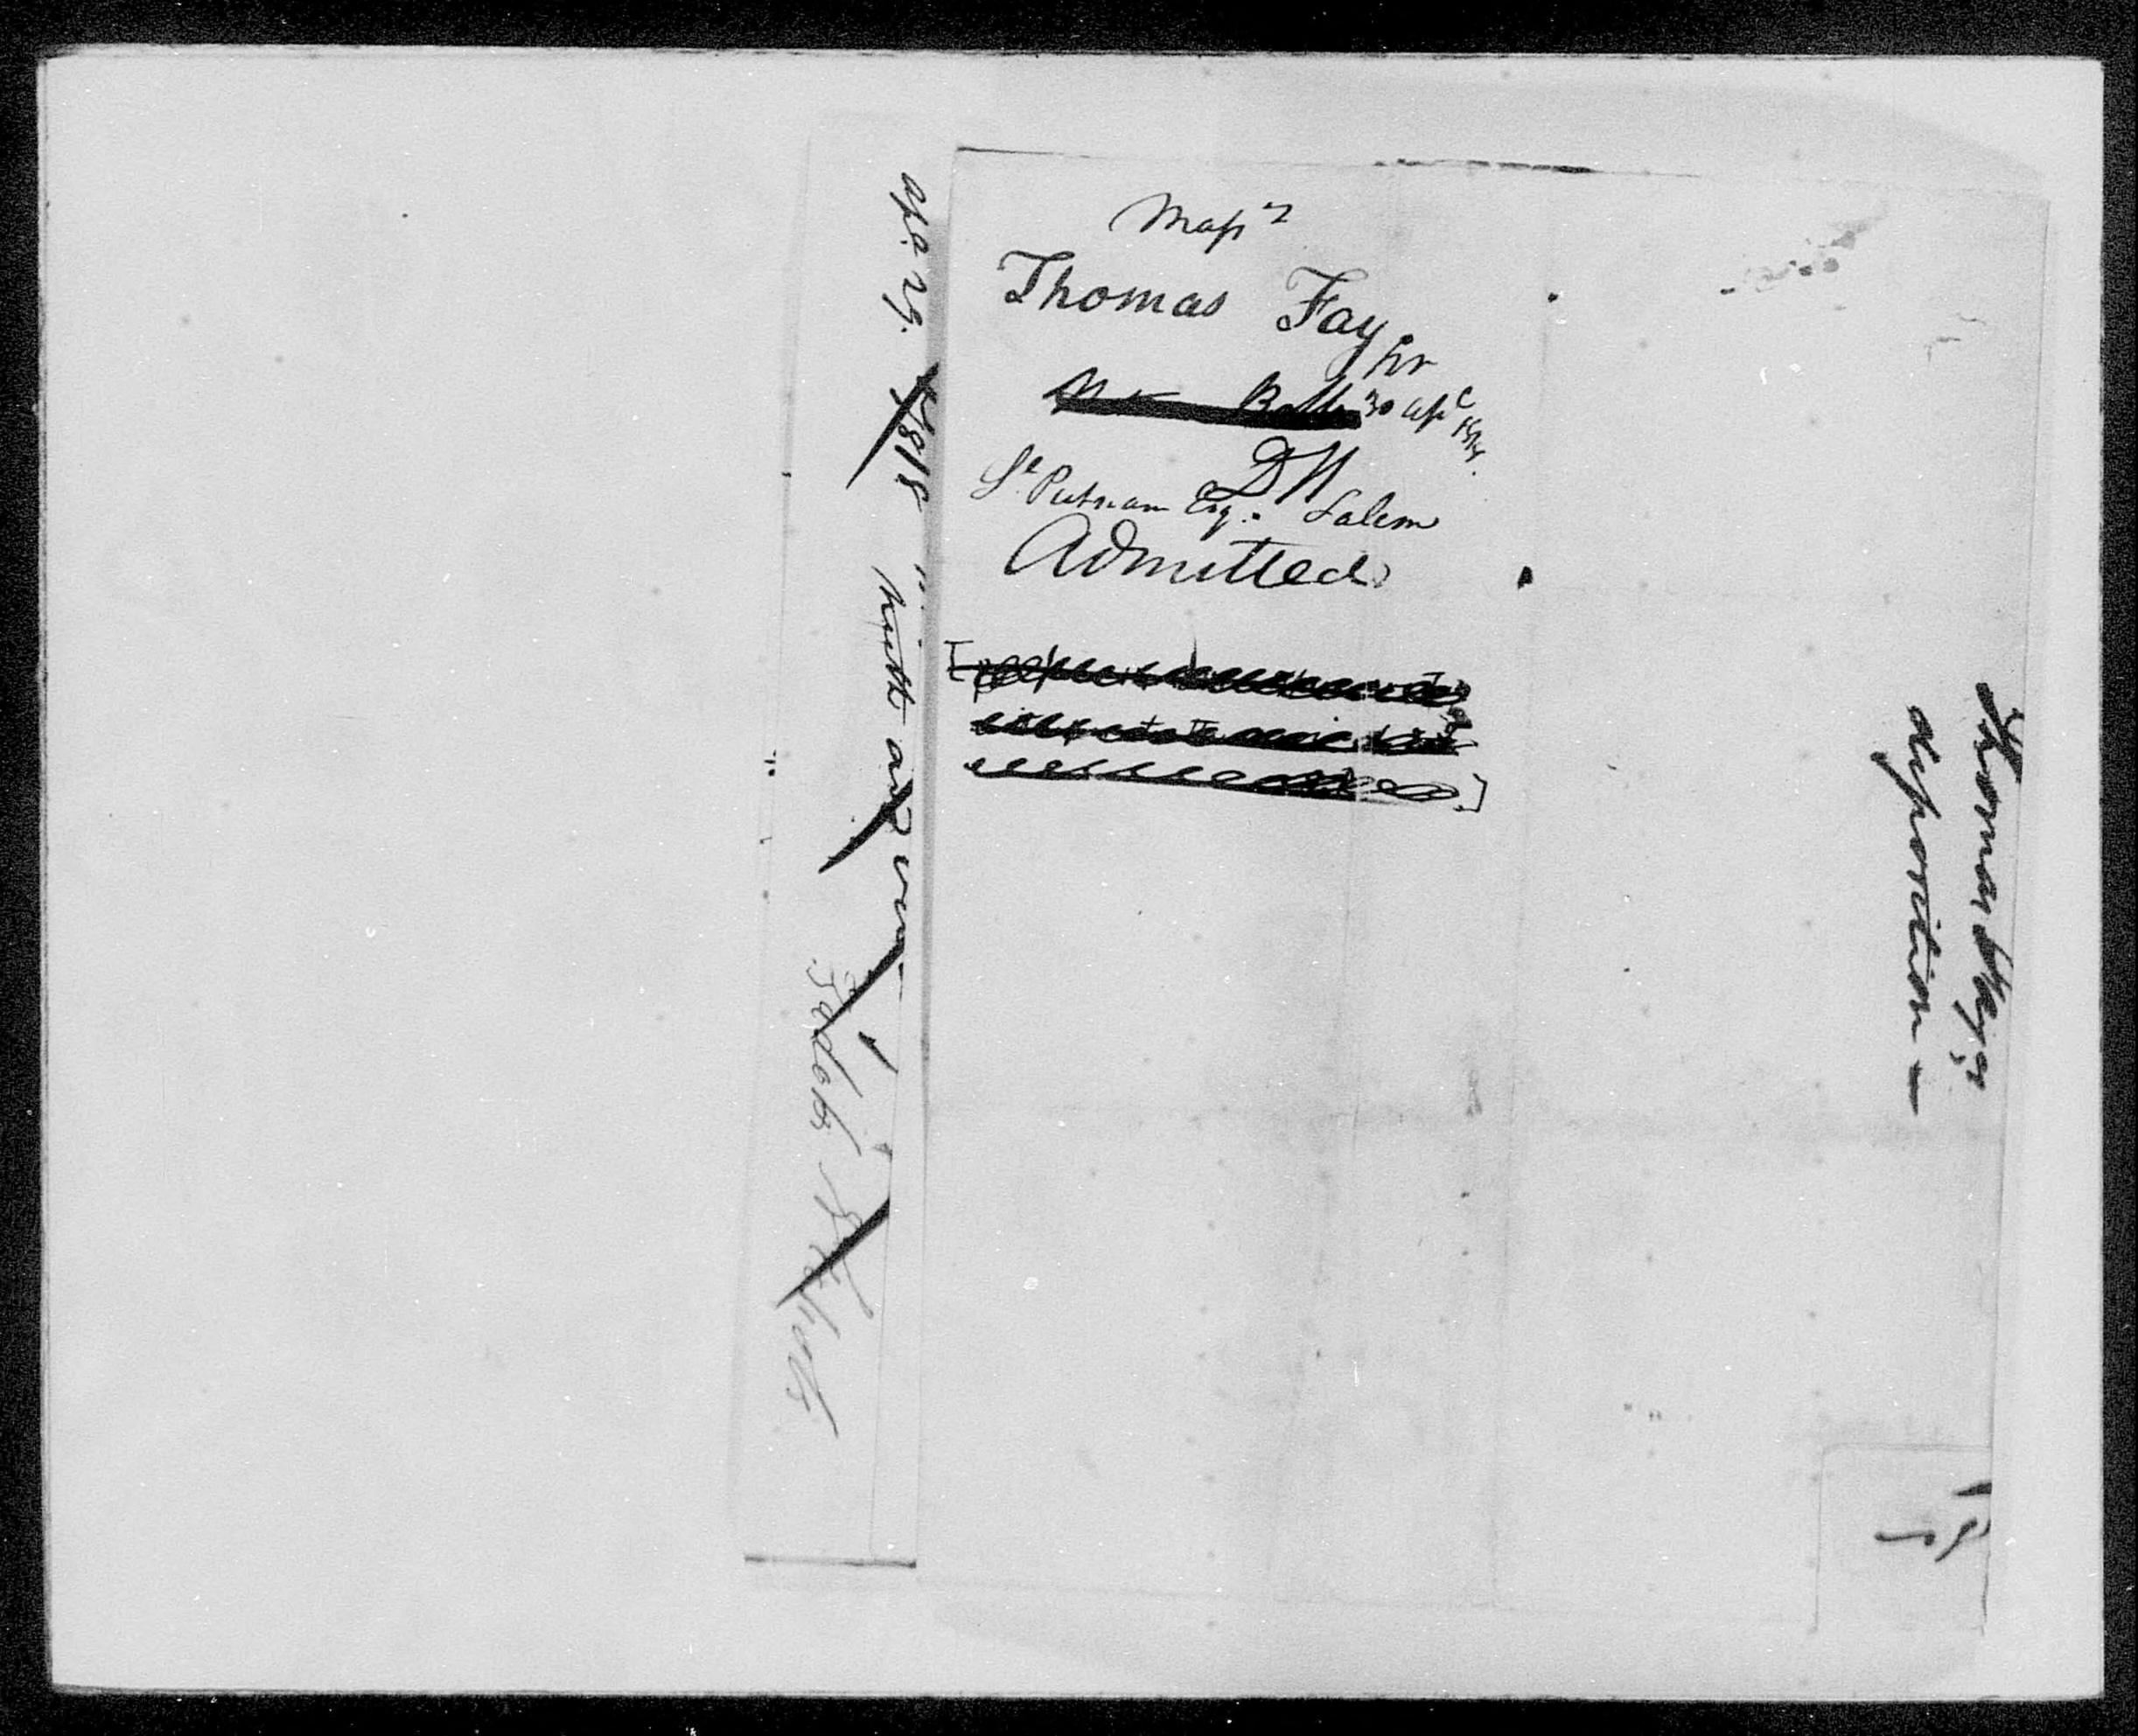Mass
Thomas Fay
30 [illegible]
[illegible] Putnam Esq. DM Salem
Admitted

Thomas Fay deposition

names: Zadok Nichols, Thomas Fay, Sl Putnam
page: 3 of 31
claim: survivor's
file: S. 34,839, Thomas Fay, Mass.